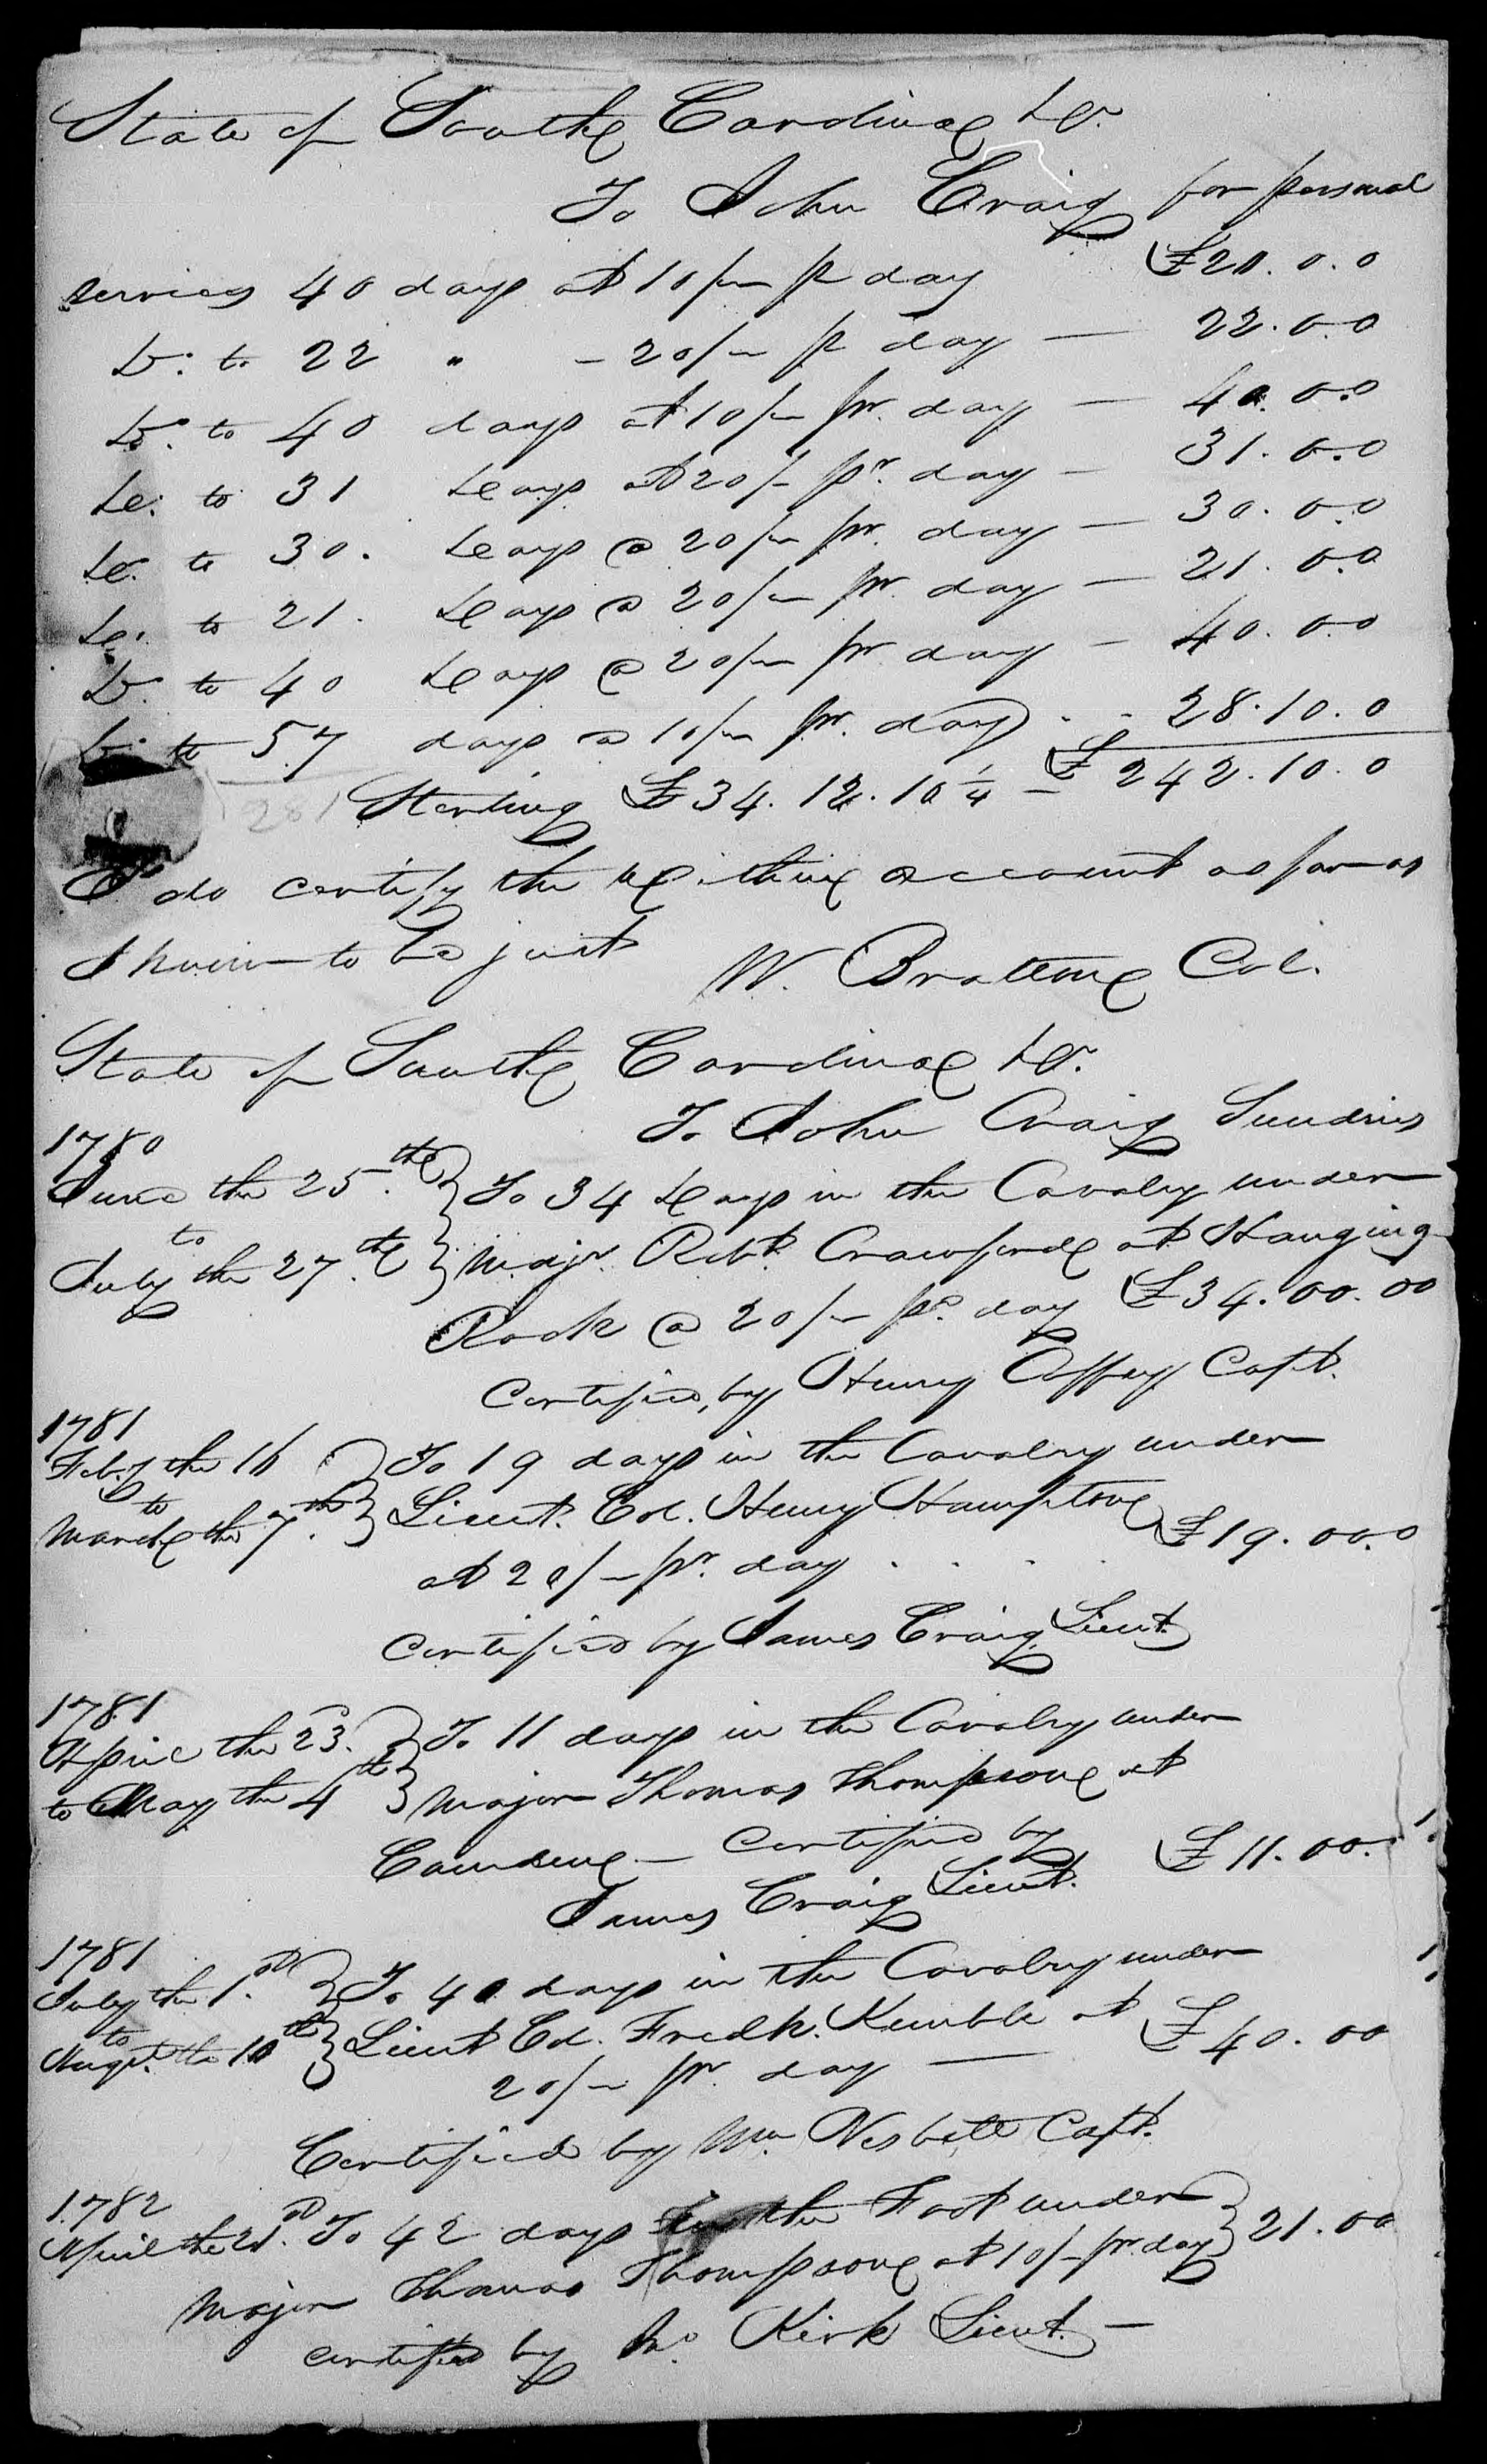State of South Carolina   D
To John Craig for personal services 40 days
at 10 /[??] per day                        £ 20.0.0
Di: to 22 " - 20/ [??] per day            22.0.0
Di: to 40 days at 10/[??] per day      40.0.0
Di: to 31 Days at 20/[??] per day     31.0.0
Di: to 30 Days at 20/[??] per day     30.0.0
Di: to 21 days at 20/[??] per day      21.0.0
Di: to 40 days at 20/[??] per day      40.0.0
Di: to 57 days at 10/[??] per day      28.10.0         
             Sterling £ 34.12.10 ¼ -- £ 242.10.0

I do certify the within account as far as
I have to be just.
                             W. Bratton Col.

State of South Carolina  D
1780 
June the 25th 
to
July the 27th}
To John Craig Sundries To 34 Days in the Cavalry under Major Robt. Crawford at Hanging Rock @ 20 [??] per day £ 34.00.00
Certified by Henry Coffey Capt.

1781
Feb.y the 1st to
March the 7th}
To 19 days in the Cavalry under Lieut. Col. Henry Hampton at 20 [??] per day --£ 19.00.0
Certified by James Craig Lieut.

1781
April the 23 
to May the 4th}
To 11 days in the Cavalry under
Major Thomas Thompson at Causeway 
Certified by James Craig Lieut.
£ 11.00.0

1782
April the 2nd To 42 days on the Foot under Major Thomas Thompson at 10/[??] per day
21.00.
Certified by Jno. Kirk Lieut.---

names: James Craig, John Craig, Thomas Thompson, Henry Coffey, Jno Kirk, Fredk Kimble, W Bratton, Henry Hampton, Thomas Thompson, Wm Nesbett, John Craig, James Craig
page: 35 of 55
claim: widow's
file: W. 22864, John Craig, S.C. Born In Iceland